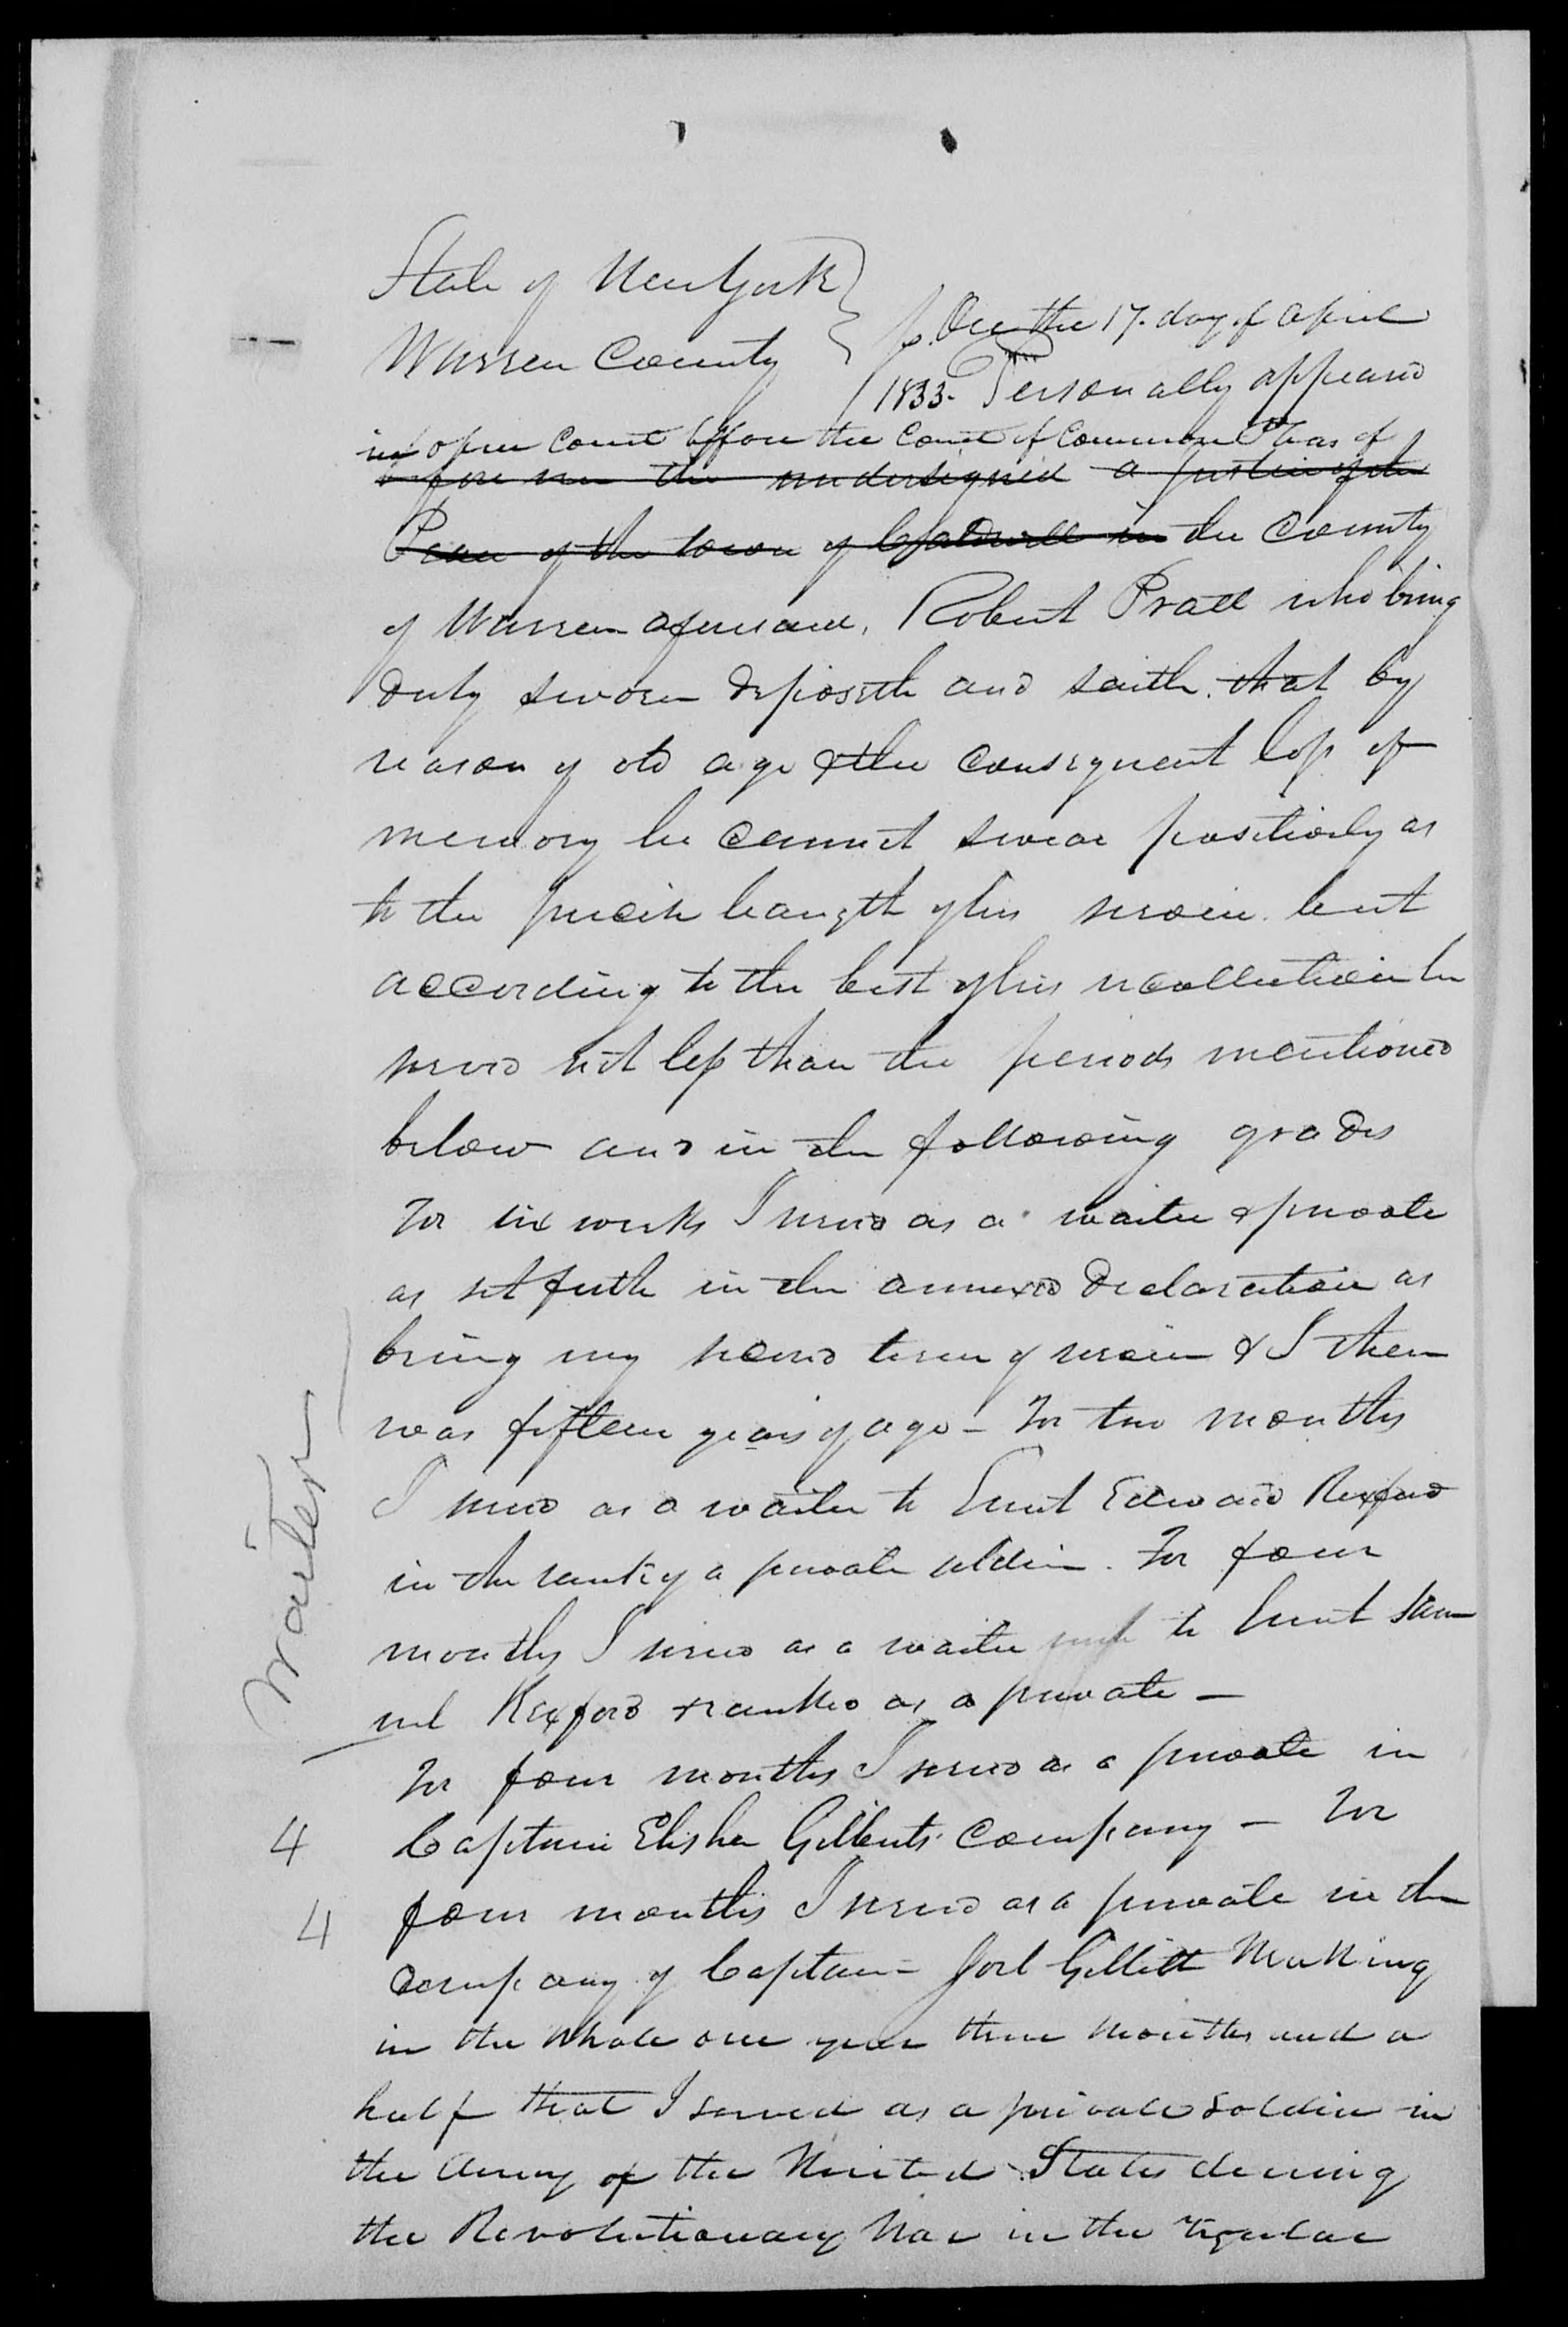State of New York
Warren County } ss:
On the 17 day of April 1833. personally appeared in open Court before the Court of Common Pleas of the County of Warren aforesaid, Robert Pratt who being
duly sworn deposeth and saith that by
reason of old age & the consequent loss of
memory he cannot swear positively as
to the precise length of his service but
according to the best of his recollection be
served not less than the periods mentioned
below and in the following grades -
For six weeks I served as a waiter & private
as set forth in the annexed declaration as
being my first term of service & I then
was fifteen years of age. For two months
I served as a waiter to Lieut Edward Rexford
in the rank of a private soldier.  For four
months I served as a waiter to Lieut. Samuel Rexford & ranked as a private-
For four months I served as a private in
Captain Elisha Gilbert's company - For four
months I served as a private in the
company of Captain Joel Gillett, making
in the whole one year, three months and a
half that I served as a private soldier in
the Army of the United States during the
Revolutionary War in the regular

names: Joel Gillett; Edward Rexford; Robert Pratt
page: 14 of 23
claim: survivor's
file: S. 14,229, for Robert Pratt, New York